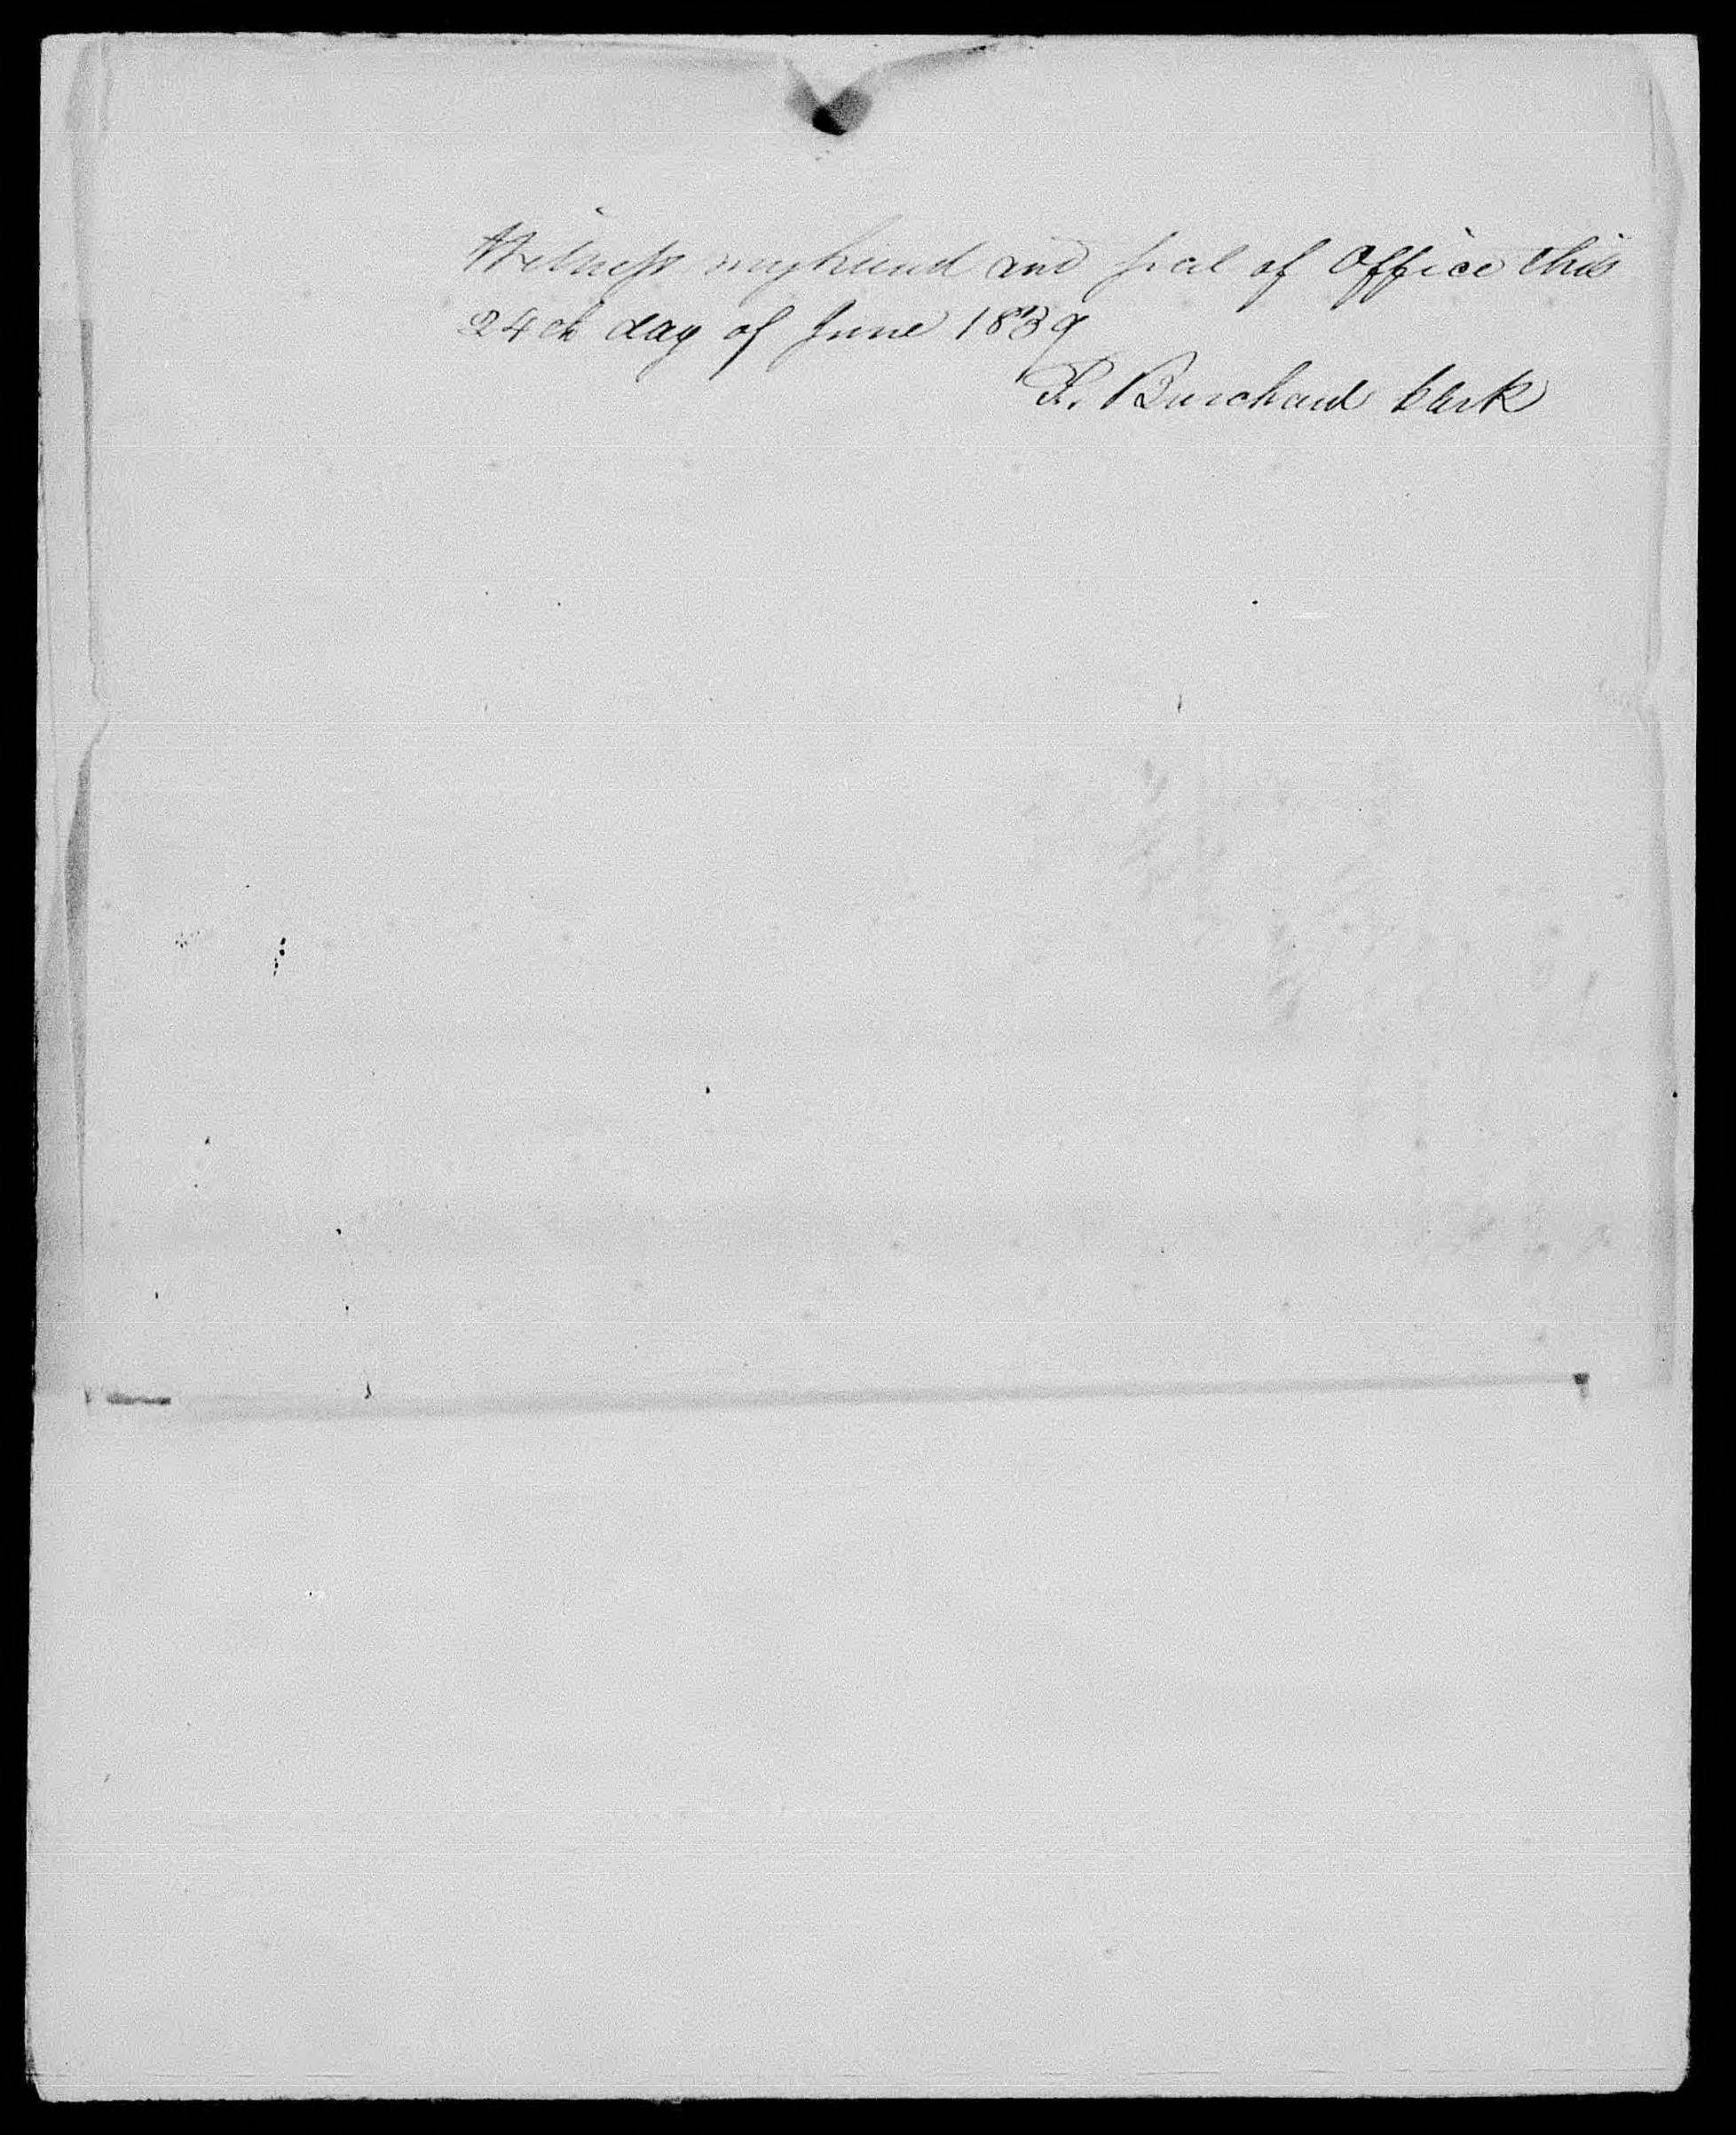Witness my hand and seal of Office this
24th day of June 1839
P. Burchard Clark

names: P Burchard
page: 17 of 46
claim: widow's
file: W. 23022, Thomas Farr, N.H.